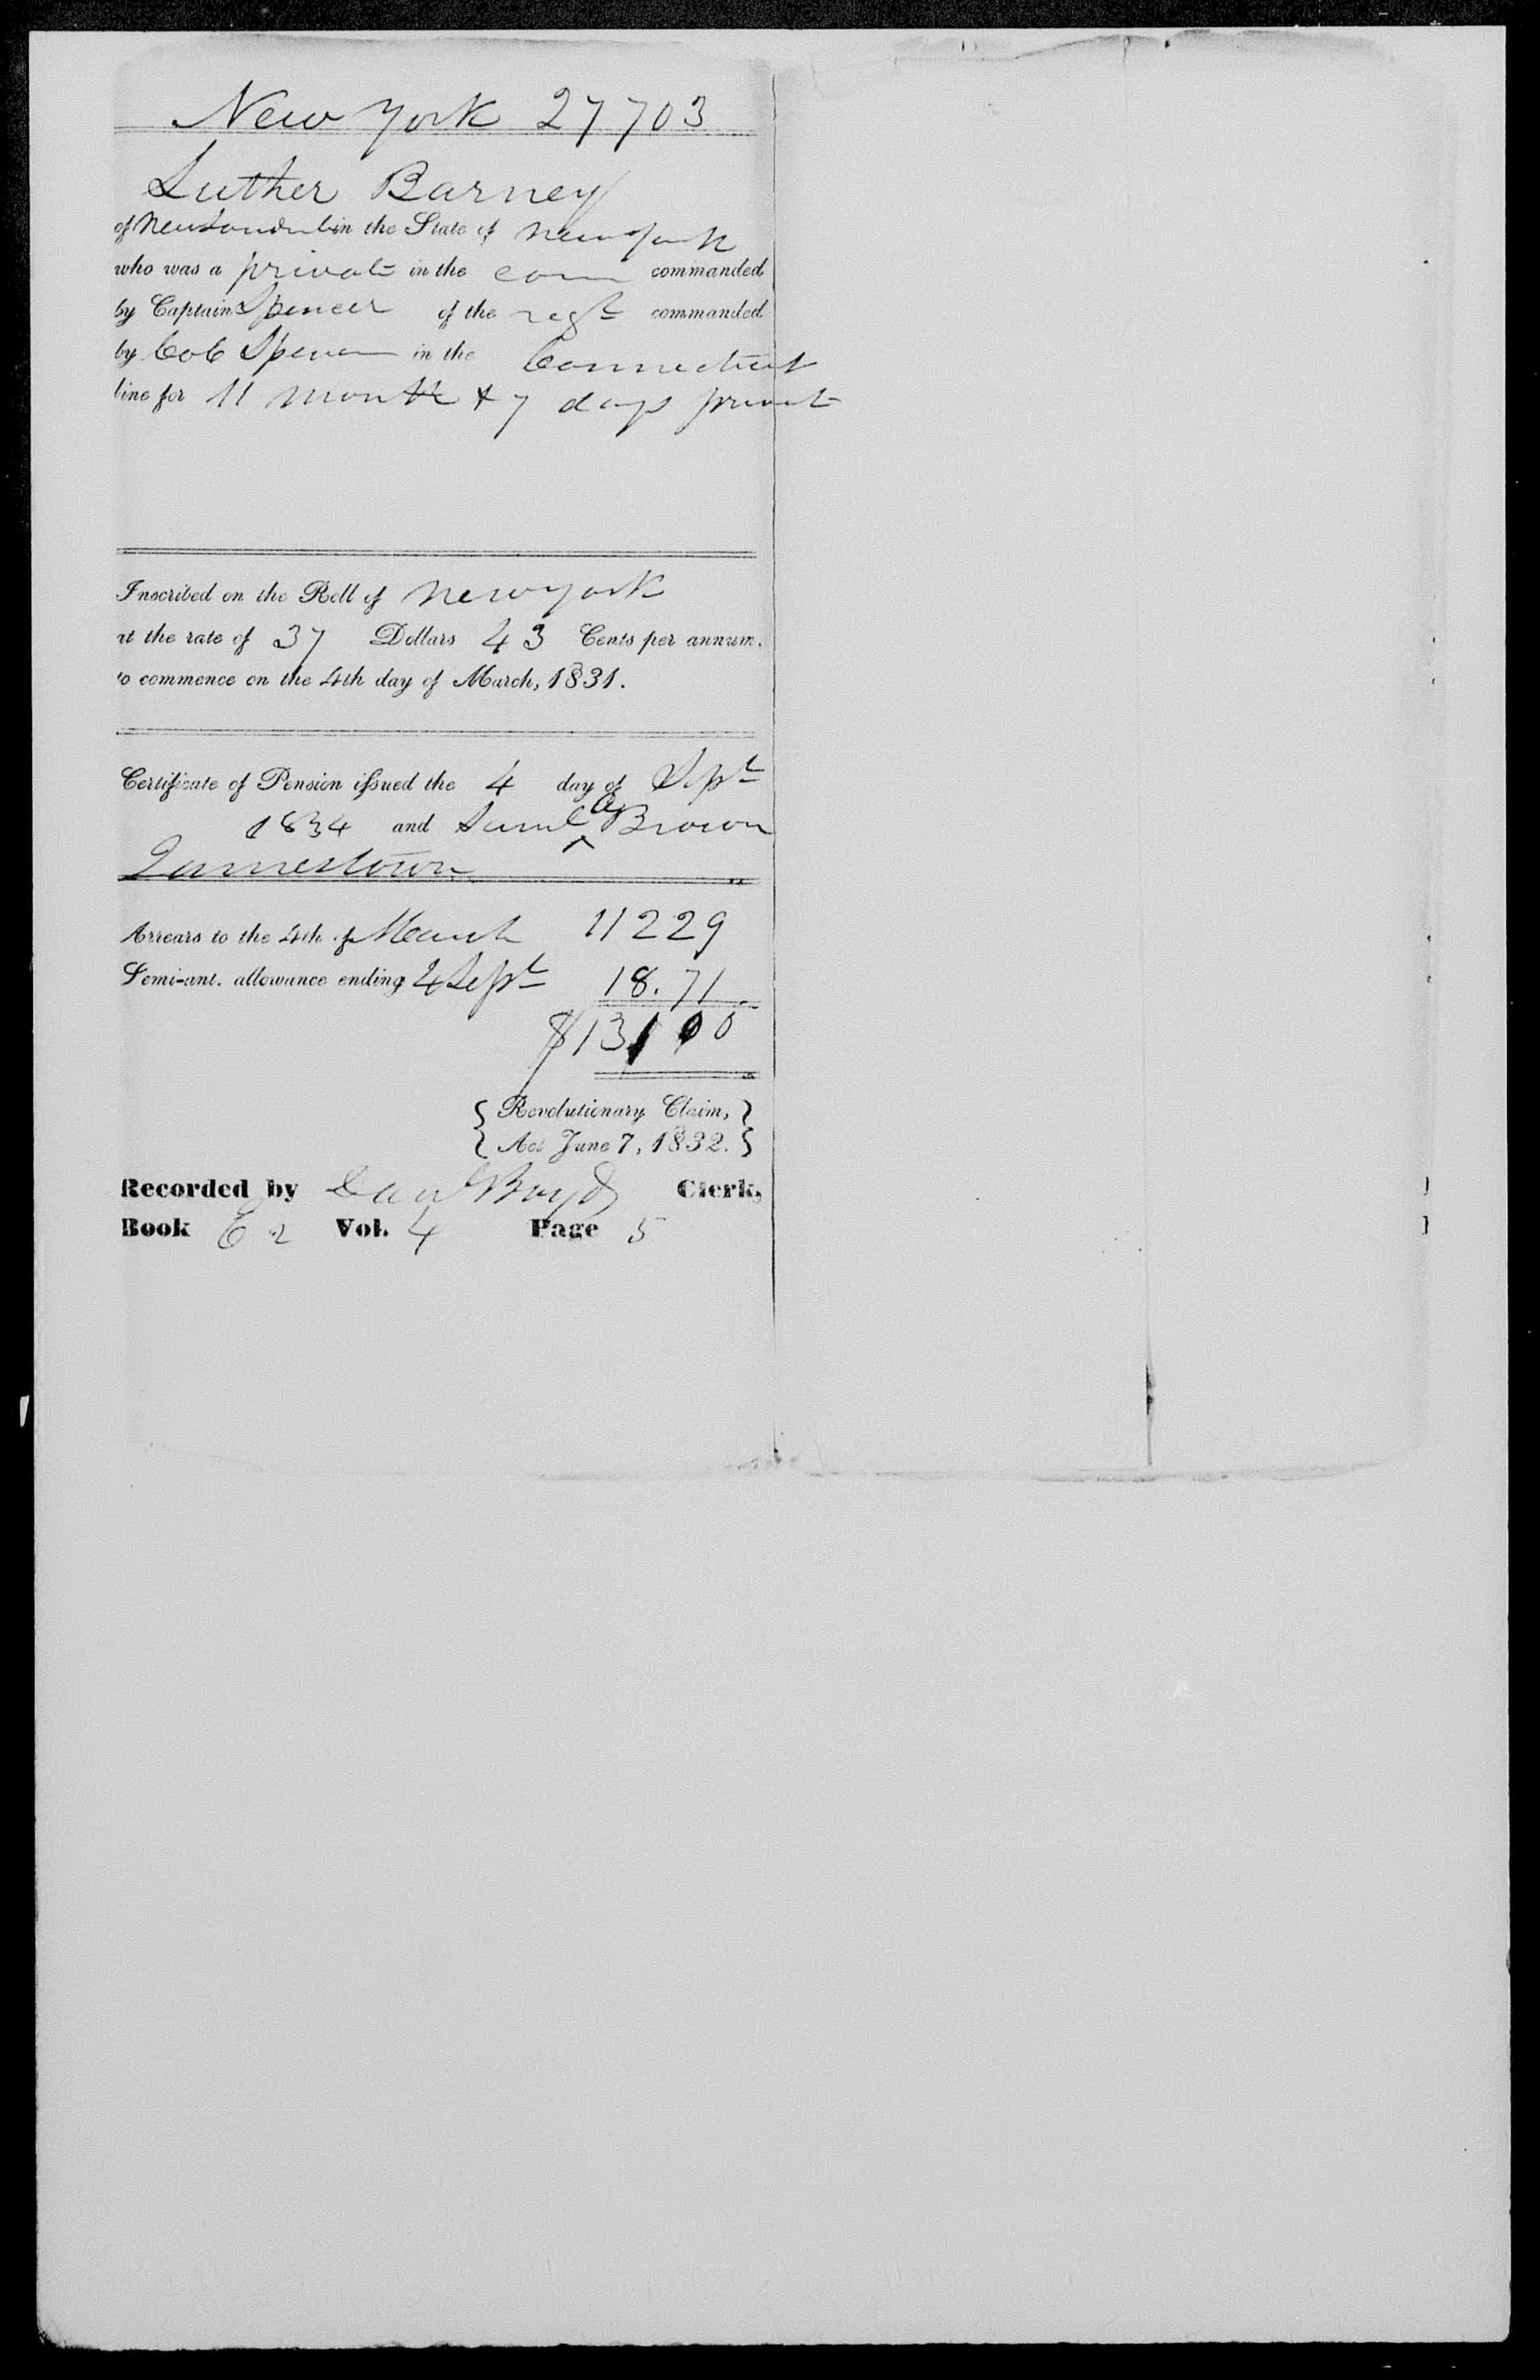New York 27703
Luther Barney
of [illegible] in the State of New York
who was a private in the [illegible] commanded by Captain Spencer of the regt commanded
by Col Spencer in the Connecticut
line for 71 months & 7 days present

Inscribed on the Roll of New York
at the rate of 37 Dollars 43 Cents per annum.
to commence on the 4th day of March, 1831.

Certificate of Pension issued the 4 day of Sept
1834 and Saml A Brown
Jamestown

Arrears to the 4th of March 1/229
Semi-ant. allowance ending 4 Sept 18.71
$131.00

{Revolutionary Claim,
Act June 7,1832.}

Recorded by Danl Boyd Clerk,
Book 62 Vol. 4 Page 5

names: Danl Boyd, Spencer, Luther Barney, Spencer, Saml A Brown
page: 2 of 61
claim: widow's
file: W. 4.124, Luther Barney, Conn. Privateer.